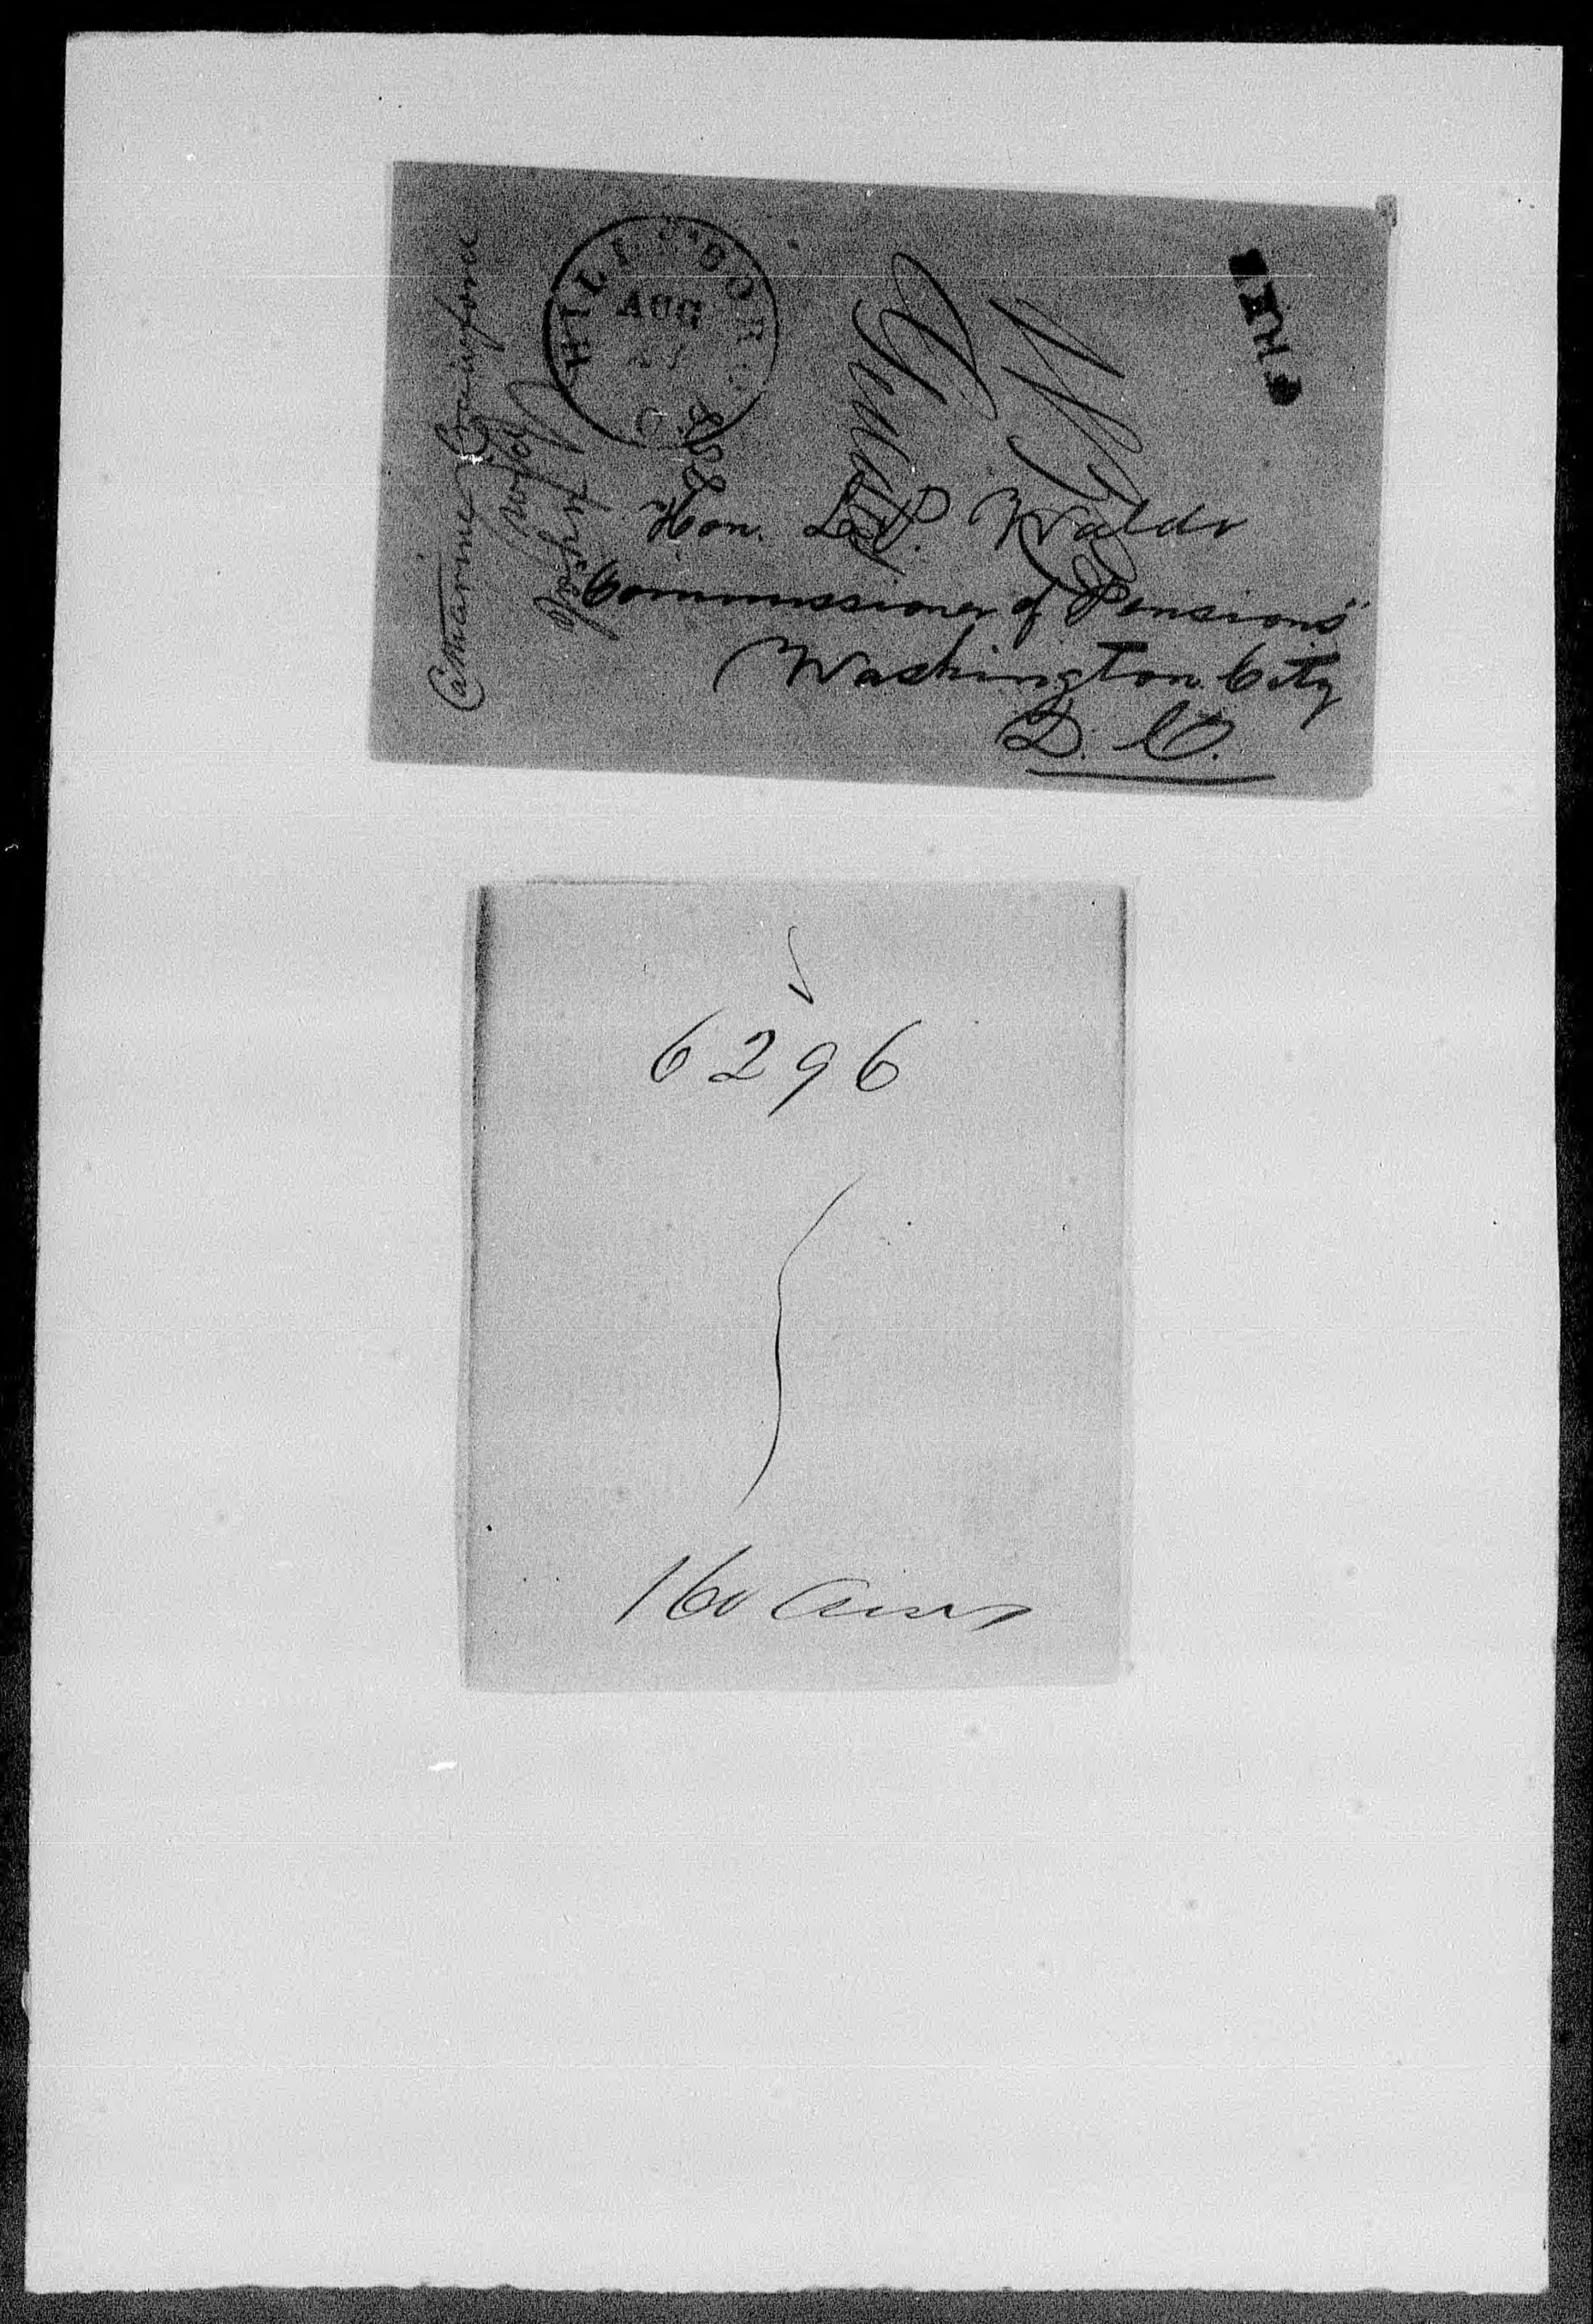[envelope]
FREE

Hon. L. P. Waldo
Commissioner of Pensions
Washington City
DC

[sideways]
Catherine Crawford 
Wid of John
858
[postmark]
HILLSBORO OH
AUG 27

[separate sheet]
6296
160 acres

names: Catharine Crawford, L P Waldo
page: 53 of 80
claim: widow's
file: W 2070, John Crawford, Penn.